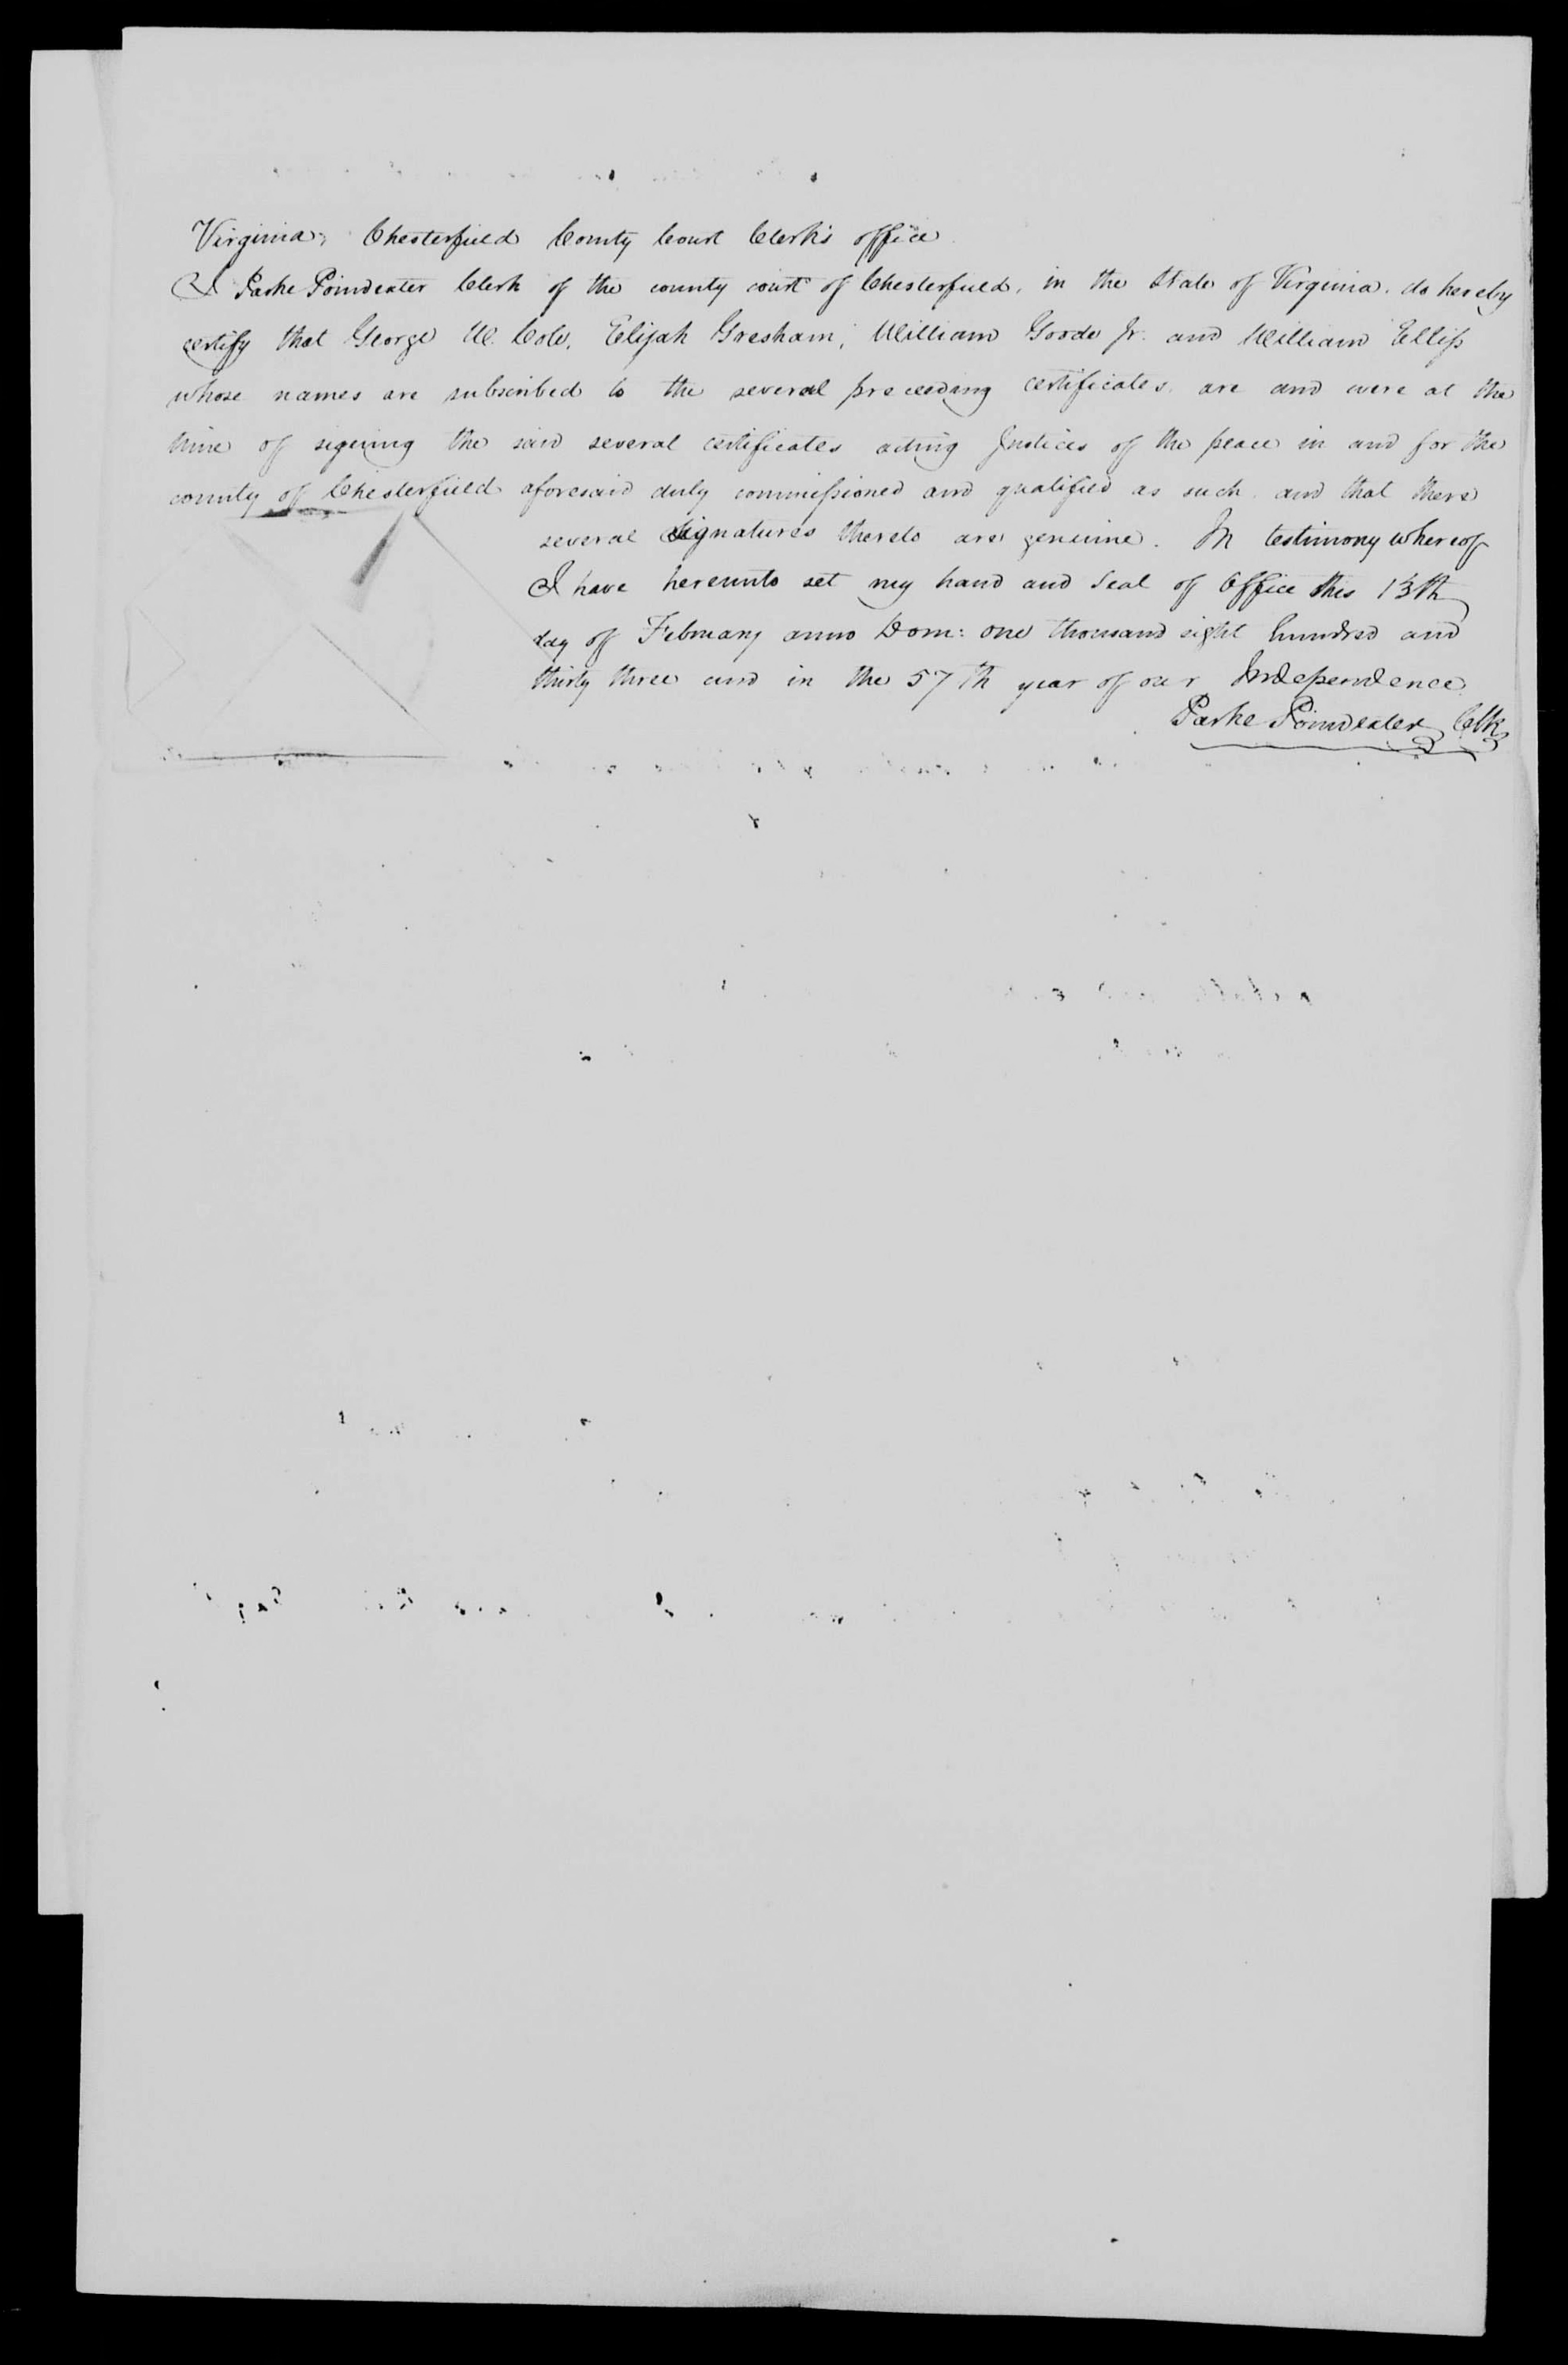Virginia, Chesterfield County Court Clerk's Office
I, Parke Poindexter Clerk of the county court of Chesterfield, in the State of Virginia, do hereby certify that George W. Cole, Elijah Gresham, William Goode Jr. and William Elliss whose names are subscribed to the several proceeding certificates, are and were at the time of signing the said several certificates acting Justices of the peace in and for the county of Chesterfield aforesaid duly commissioned and qualified as such, and that their several Signatures thereto are genuine. In testimony whereof I have hereunto set my hand and seal of Office this 13th day of February anno Dom: one thousand eight hundred and thirty three and in the 57th year of our Independence
Parke Poindexter Clk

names: Elijah Gresham, William Goode, Parke Poindexter, William Elliss, Parke Poindexter, George W Cole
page: 10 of 43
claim: widow's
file: W. 5,626, Nathan Anderson, Va.